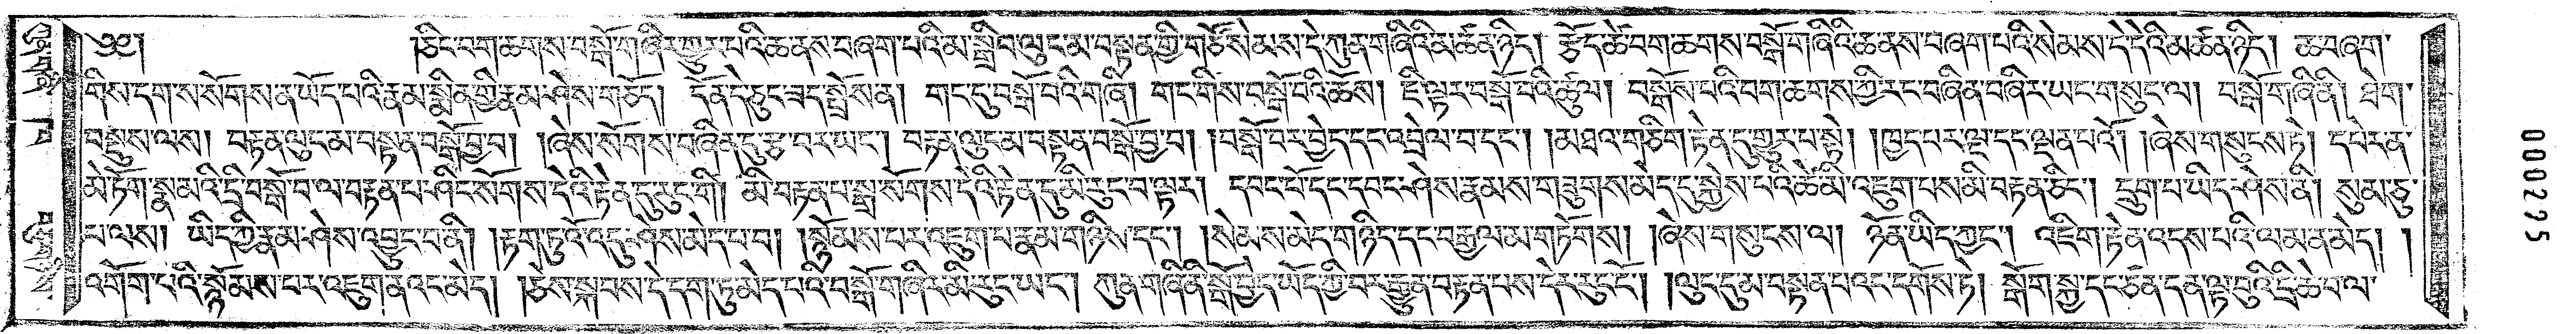༄༅། །ཅིང་བག་ཆགས་བསྒོ་གཞིར་གྱུར་བའི་ཆ་ནས་བཞག་པའི་མ་སྒྲིབ་ལུང་མ་བསྟན་གྱི་གཙོ་སེམས་དེ་ཀུན་གཞིའི་མཚན་ཉིད། རྩོད་ཚེ་བག་ཆགས་བསྒོ་གཞིའི་ཆ་ནས་བཞག་པའི་སེམས་དེ་དེའི་མཚན་ཉིད། ཆ་བཞག་
གིས་དག་ས་སོགས་ན་ཡོད་པའི་རྣམ་སྨིན་གྱི་རྣམ་ཤེས་གཅོད། དོན་དེ་ཅུང་ཟད་སྤྲོས་ན། གང་དུ་བསྒོ་བའི་གཞི། གང་གིས་བསྒོ་བའི་ཆོས། ཇི་ལྟར་བསྒོ་བའི་ཚུལ། བསྒོས་པའི་བག་ཆགས་ཀྱི་རང་བཞིན་བཞིར་ཡང་གསུང་ལ། བསྒོ་གཞི་ནི། ཐེག་
བསྡུས་ལས། བརྟན་ལུང་མ་བསྟན་བསྒོ་བྱ་བ། །ཞེས་སོགས་བཞིན་དུ་རྩ་བར་ཡང་། བརྟན་ལུང་མ་བསྟན་བསྒོ་བྱ་བ། །བསྒོ་བར་བྱེད་དང་འབྲེལ་བ་དང་། །མཐའ་གཅིག་རྟེན་དུ་གྱུར་པ་སྟེ། །ཁྱད་པར་ལྔ་དང་ལྡན་པའོ། །ཞེས་གསུངས་ཏེ། དཔེར་ན་
མེ་ཏོག་སྣ་མའི་དྲི་བསྒོ་བ་ལ་བརྟན་པ་ཤིང་སོགས་དེའི་རྟེན་དུ་རུང་གི། མི་བརྟན་པ་སྒྲ་སོགས་དེའི་རྟེན་དུ་མི་རུང་བ་ལྟར། དབང་པོ་དང་དབང་ཤེས་རྣམས་གཟུགས་མེད་དུ་སྐྱེས་པའི་ཚེ་མི་འཇུག་པས་མི་བརྟན་ཅིང་། དྲུག་པ་ཡིད་ཤེས་ནི། སུམ་ཅུ་
པ་ལས། ཡིད་ཀྱི་རྣམ་ཤེས་འབྱུང་བ་ནི། །རྟག་ཏུའོ་འདུ་ཤེས་མེད་པ་བ། །སྙོམས་པར་འཇུག་པ་རྣམ་གཉིས་དང་། །སེམས་མེད་གཉིད་དང་བརྒྱལ་མ་གཏོགས། །ཞེས་གསུངས་ལ། ཉོན་ཡིད་ཀྱང་། འཇིག་རྟེན་འདས་པའི་ལམ་ན་མེད། །
འགོག་པའི་སྙོམས་པར་འཇུག་ནའང་མེད། །ཅེས་སྐབས་དེ་དག་ཏུ་མེད་པའི་བསྒོ་གཞིར་མི་རུང་ཡང་། ཀུན་གཞི་ནི་སྒོ་བྱེད་ཡོད་ཀྱི་བར་རྒྱུན་བརྟན་པས་དེར་རུང་ངོ། །ལུང་དུ་མ་བསྟན་པའང་དགོས་ཏེ། སྒོག་སྐྱ་དང་ཙན་དན་ལྟ་བུའི་དྲི་ཆེ་བ་ལ་